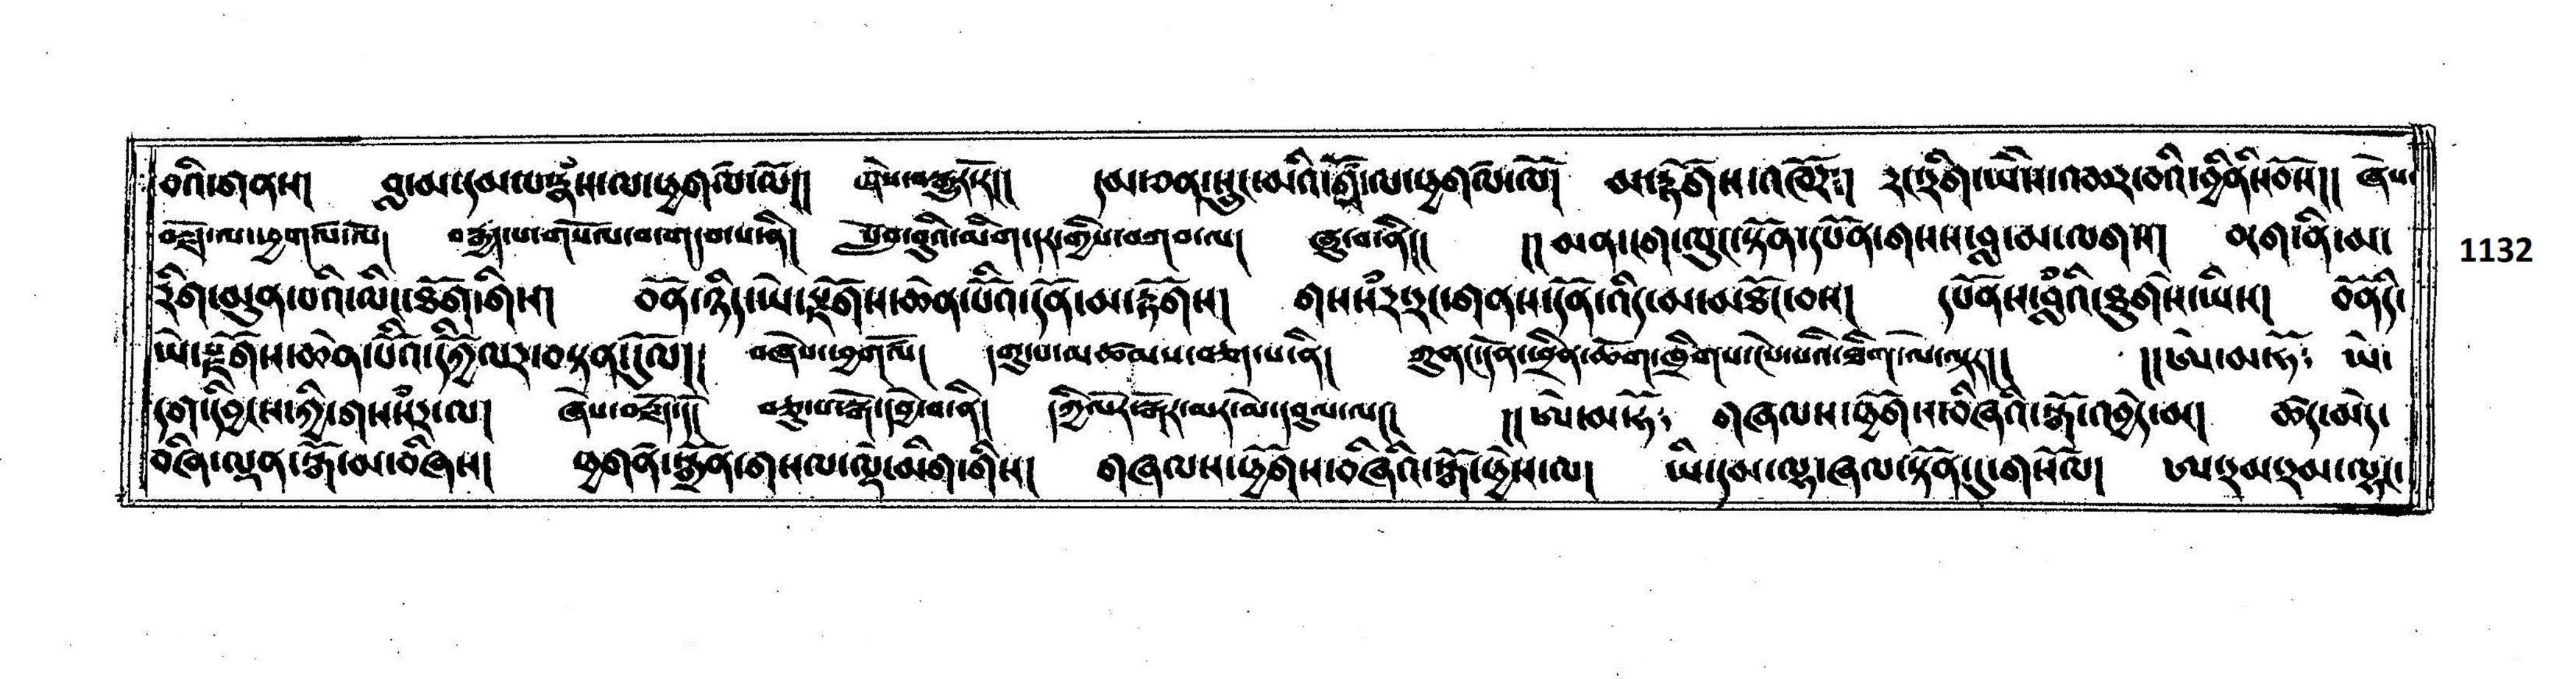བའི་གནས། བླ་མ་དམ་པ་རྣམས་ལ་ཕྱག་འཚལ་ལོ།། ཞེས་བསྒྱུར་རོ།། དམ་ཅན་སྲུང་མའི་ཚོགས་ལ་ཕྱག་འཚལ་ལོ། མ་རྟོགས་འཁོར༴། རང་རིག་ཡེ་ཤེས་འཆར་བའི་བྱིན་གྱིས་རློབས།། ཞེས་
བརྗོད་ལ་ཕྱག་འཚལ་ལོ། བརྒྱད་པ་གསོལ་བ་གདབ་པ་ནི། སློབ་བུའི་མིག་དར་གྱིས་བཀབ་ལ། ཞུ་བ་ནི།། །།མན་ངག་ལུང་སྟོན་དཔོན་གསས་བླ་མ་ལགས། བདག་ནི་མ་
རིག་མུན་པའི་ལིང་ཐོག་གིས། བོན་ཉིད་ཡེ་རྫོགས་ཆེན་པོའི་དོན་མ་རྟོགས། གསས་མཁར་རང་གནས་དོན་འདི་མ་མཐོང་བས། དཔོན་གསས་བླ་མའི་ཐུགས་རྗེ་ཡིས། བོན་ཉིད་
ཡེ་རྫོགས་ཆེན་པོའི་དཀྱིལ་འཁོར་བསྟན་དུ་གསོལ།། ཞེས་ཕྱག་འཚལ་ལོ། །དགུ་པ་མཚམས་བཅད་པ་ནི། ཀུན་བཟང་དོན་ཕྲིན་ཆོག་ཁྲིགས་ངེས་པའི་ཐིག་ལེ་ལྟར།། །།ཨེ་མ་ཧོ། ཡེ་
དག་དབྱིངས་ཀྱི་གསས་མཁར་ལ། ཞེས་བརྗོད་དོ།། བཅུ་པ་སྒོ་དབྱེ་བ་ནི། དཀྱིལ་འཁོར་སྒོར་མར་མེ་དབུལ་ལ།། །།ཨེ་མ་ཧོ། གཞལ་ཡས་ཕྱོགས་བཞིའི་སྒོ་འབྱེད་མ། ཚད་མེད་
བཞི་ལྡན་སྒོ་མ་བཞིས། ཕྱག་མཚན་སྒྲོན་གསལ་ལྡེ་མིག་གིས། གཞལ་ཡས་ཕྱོགས་བཞིའི་སྒོ་ཕྱེས་ལ། ཡི་དམ་ལྷ་ཞལ་སྟོན་དུ་གསོལ། ཨ་རམ་རམ་ལྷང་